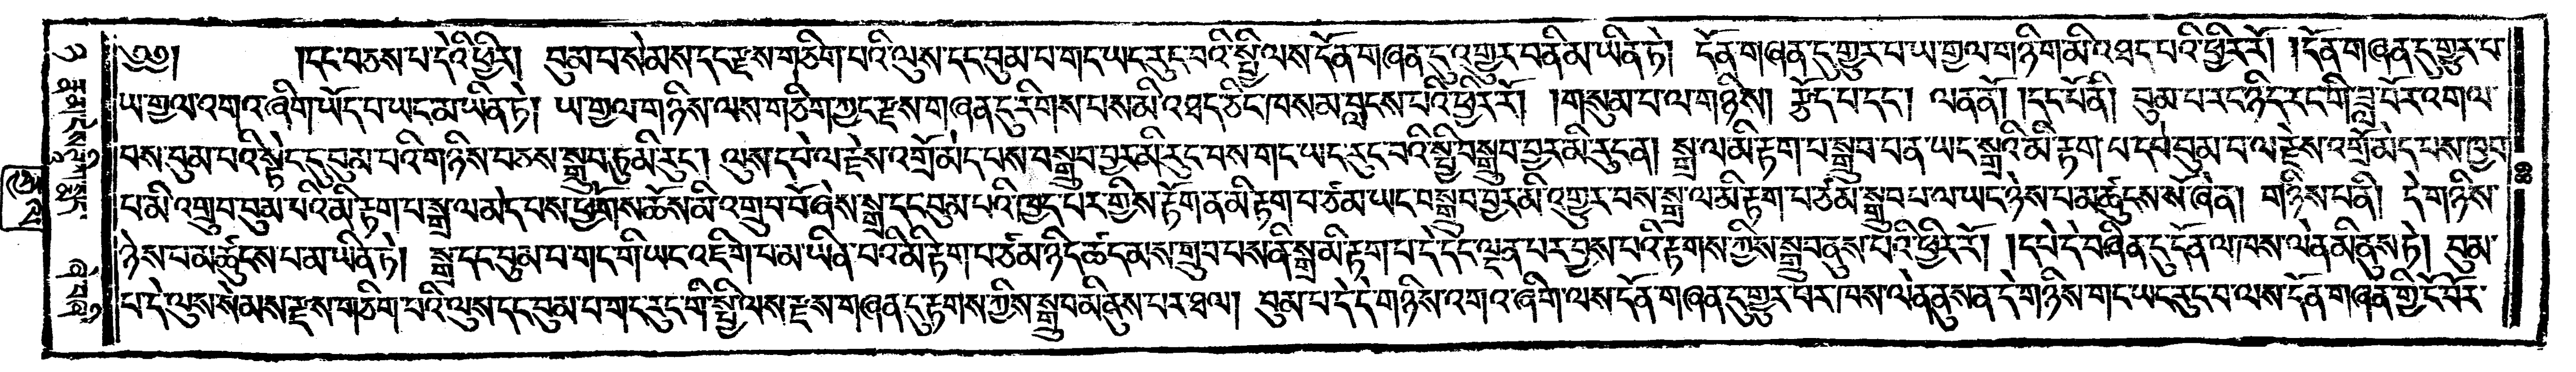༄༅། །དང་བཅས་པ་དེའི་ཕྱིར། བུམ་པ་སེམས་དང་རྫས་གཅིག་པའི་ལུས་དང་བུམ་པ་གང་ཡང་རུང་བའི་སྤྱི་ལས་དོན་གཞན་དུ་འགྱུར་བ་ནི་མ་ཡིན་ཏེ། དོན་གཞན་དུ་གྱུར་པ་ཡ་གྱལ་གཉིག་མི་འཐད་པའི་ཕྱིར་རོ། །དོན་གཞན་དུ་གྱུར་པ་
ཡ་གྱལ་འགའ་ཞིག་ཡོད་པ་ཡང་མ་ཡིན་ཏེ། ཡ་གྱལ་གཉིས་ལས་གཅིག་ཀྱང་རྫས་གཞན་དུ་རིགས་པས་མི་འཐད་ཅིང་ཁས་མ་བླངས་པའི་ཕྱིར་རོ། །གསུམ་པ་ལ་གཉིས། རྩོད་པ་དང་། ལན་ནོ། །དང་པོ་ནི། བུམ་པ་རང་ཉིད་རང་གི་ཟླ་བོར་འགལ་
བས་བུམ་པའི་སྟེང་དུ་བུམ་པའི་གཉིས་བཅས་སྒྲུབ་ཏུ་མི་རུང་། ལུས་དཔེ་ལ་རྗེས་འགྲོ་མེད་པས་བསྒྲུབ་བྱར་མི་རུང་བས་གང་ཡང་རུང་བའི་སྤྱི་བསྒྲུབ་བྱར་མི་རུང་ན། སྒྲ་ལ་མི་རྟག་པ་སྒྲུབ་པ་ན་ཡང་སྒྲའི་མི་རྟག་པ་དཔེ་བུམ་བ་ལ་རྗེས་འགྲོ་མེད་པས་ཁྱབ་
པ་མི་འགྲུབ་བུམ་པའི་མི་རྟག་པ་སྒྲ་ལ་མེད་པས་ཕྱོགས་ཆོས་མི་འགྲུབ་བོ་ཞེས་སྒྲ་དང་བུམ་པའི་ཁྱད་པར་གྱིས་རྟོག་ན་མི་རྟག་བ་ཙམ་ཡང་བསྒྲུབ་བྱར་མི་འགྱུར་བས་སྒྲ་ལ་མི་རྟག་པ་ཙམ་སྒྲུབ་པ་ལ་ཡང་ཉེས་པ་མཚུངས་སོ་ཞེ་ན། གཉིས་པ་ནི། དེ་གཉིས་
ཉེས་པ་མཚུངས་པ་མ་ཡིན་ཏེ། སྒྲ་དང་བུམ་པ་གང་གི་ཡང་འཇིག་པ་མ་ཡིན་པའི་མི་རྟག་པ་ཙམ་ཉིད་ཚད་མས་གྲུབ་པས་ནི་སྒྲ་མི་རྟག་པ་དེ་དང་ལྡན་པར་བྱས་པའི་རྟགས་ཀྱིས་སྒྲུབ་ནུས་པའི་ཕྱིར་རོ། །དཔེ་དེ་བཞིན་དུ་དོན་ལ་ཁས་ལེན་མི་ནུས་ཏེ། བུམ་
པ་དེ་ལུས་སེམས་རྫས་གཅིག་པའི་ལུས་དང་བུམ་པ་གང་རུང་གི་སྤྱི་ལས་རྫས་གཞན་དུ་རྟགས་ཀྱི་སྒྲུབ་མི་ནུས་པར་ཐལ། བུམ་པ་དེ་དེ་གཉིས་འགའ་ཞིག་ལས་དོན་གཞན་དུ་གྱུར་བར་ཁས་ལེན་ནུས་ན་དེ་གཉིས་གང་ཡང་རུང་བ་ལས་དོན་གཞན་གྱི་ངོ་བོར་